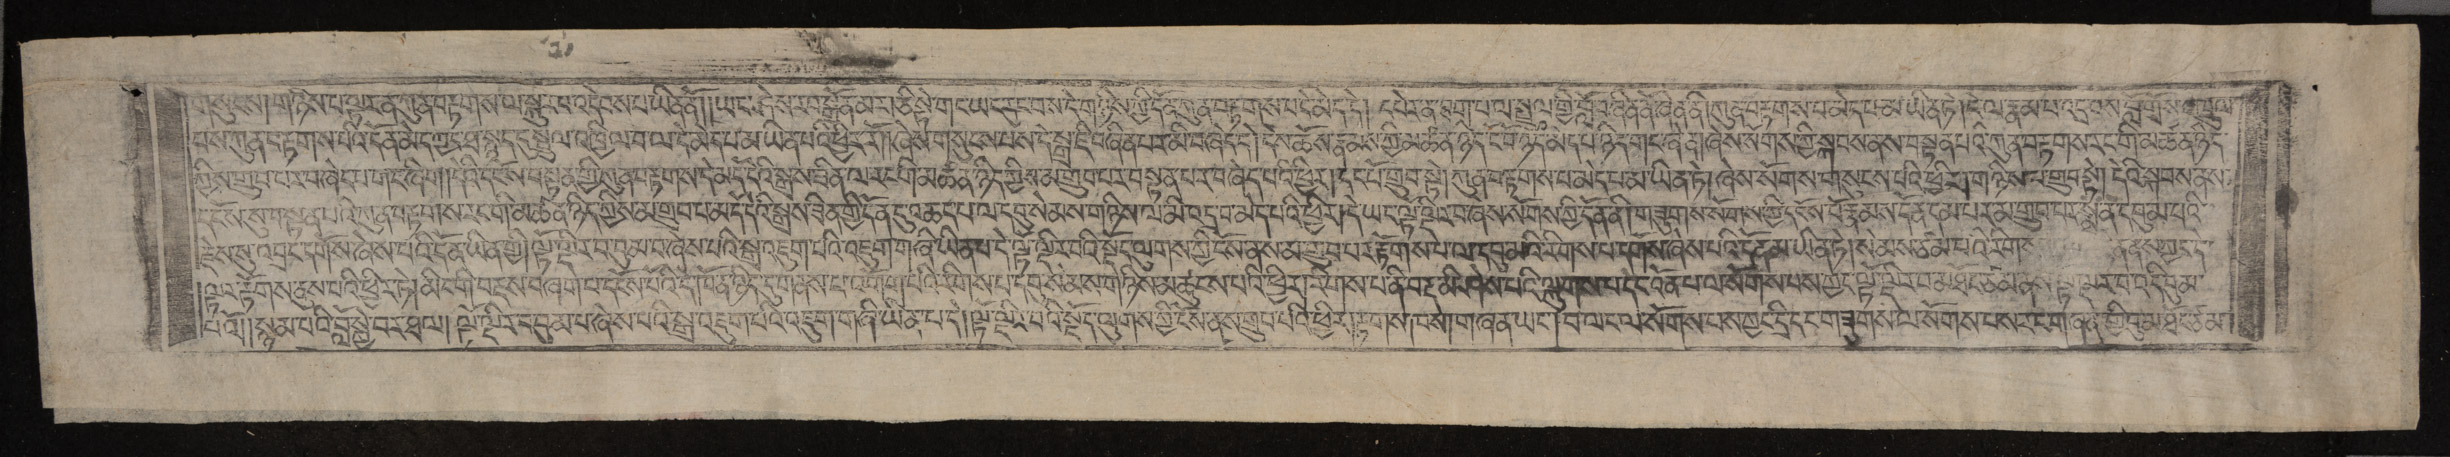གསུངས། གཉིས་པ་ལྟར་ན་ཀུན་བརྟགས་ལ་སྐུར་པ་འདེབས་པ་ཡིན་ནོ། །ཡང་ཤེས་རབ་སྒྲོན་མར། ཅི་སྟེ་གང་ཡང་རུང་བས་དེ་གཉིས་ཀྱི་དོན་ཀུན་བརྟགས་པ་དེ་མེད་དེ། དཔེར་ན་ཐག་པ་ལ་སྦྲུལ་གྱི་བློ་བཞིན་ནོ་ཞེ་ན་ནི། ཀུན་བརྟགས་པ་མེད་པ་མ་ཡིན་ཏེ། དེ་ལ་རྣམ་པ་འདྲ་བས་བློ་གྲོས་འཁྲུལ་
པས་ཀུན་བརྟགས་པའི་དོན་མེད་ཀྱང་ཐ་སྙད་དུ་སྦྲུལ་འཁྱིལ་བ་ལ་དེ་མེད་པ་མ་ཡིན་པའི་ཕྱིར་རོ། །ཞེས་གསུངས་པས་དེ་སྒྲ་ཇི་བཞིན་པར་མི་བཞེད་དེ། དེས་ཆོས་རྣམས་ཀྱི་མཚན་ཉིད་ངོ་བོ་ཉིད་མེད་པ་ཉིད་གང་ཞེ་ན། ཞེས་སོགས་ཀྱི་སྐབས་ནས་བསྟན་པའི་ཀུན་བརྟགས་རང་གི་མཚན་ཉིད་ཀྱིས་གྲུབ་པར་བཞེད་པ་གང་ཞིག། དེའི་དངོས་བསྟན་གྱི་ཀུན་བརྟགས་དེ་མདོ་དེའི་སྒྲས་ཟིན་ལ་རང་གི་མཚན་ཉིད་ཀྱིས་མ་གྲུབ་པར་བསྟན་པར་བཞེད་པའི་ཕྱིར། དང་པོ་གྲུབ་སྟེ། ཀུན་བརྟགས་པ་མེད་པ་མ་ཡིན་ཏེ། ཞེས་སོགས་གསུངས་པའི་ཕྱིར། གཉིས་པ་གྲུབ་སྟེ། དེའི་སྐབས་ནས་
དངོས་སུ་བསྟན་པའི་ཀུན་བརྟགས་རང་གི་མཚན་ཉིད་ཀྱིས་མ་གྲུབ་པ་མདོ་དེའི་སྒྲས་ཟིན་གྱི་དོན་དུ་འཆད་པ་ལ་དབུ་སེམས་གཉིས་ལ་མི་འདྲ་བ་མེད་པའི་ཕྱིར། དེ་ཡང་ལྟོ་ལྡིར་བ་ཞེས་སོགས་ཀྱི་དོན་ནི། གཟུགས་སོགས་ཀྱི་དངོས་པོ་རྣམས་དོན་དམ་པར་མ་གྲུབ་པར་སྨྲ་ན་དབུ་མ་པའི་
རྗེས་སུ་འབྲང་དགོས་ཞེས་པའི་དོན་ཡིན་གྱི། ལྟོ་ལྡིར་བ་བུམ་པ་ཞེས་པའི་སྒྲ་འཇུག་པའི་འཇུག་གཞི་ཡིན་པ་དེ་ལྟོ་ལྡིར་བའི་སྡོད་ལུགས་ཀྱི་ངོས་ནས་མ་གྲུབ་པར་རྟོགས་པ་ལ་དབུ་མའི་རིགས་པ་དགོས་ཞེས་པའི་དོན་མ་ཡིན་ཏེ། སེམས་ཙམ་པའི་རིགས་པ་ལ་བརྟེན་ནས་ཀྱང་དེ་
ལྟར་རྟོགས་ནུས་པའི་ཕྱིར་ཏེ། མིང་གི་བརྡས་བཞག་པ་དངོས་པོའི་དེ་ཁོ་ན་ཉིད་དུ་གནས་པ་འགོག་པའི་རིགས་པ་དབུ་སེམས་གཉིས་མཚུངས་པའི་ཕྱིར། རིགས་པ་ནི་བརྡ་མི་ཤེས་པའི་ལྐུགས་པ་དང་འོན་པ་ལ་སོགས་པས་ཀྱང་ལྟོ་ལྡིར་བ་མཐོང་ཙམ་ནས་ལྟོ་ལྡིར་བ་འདི་བུམ་
པའོ། །སྙམ་པའི་བློ་སྐྱེ་བར་ཐལ། ལྟོ་ལྡིར་བ་བུམ་པ་ཞེས་པའི་སྒྲ་འཇུག་པའི་འཇུག་གཞི་ཡིན་པ་དེ། ལྟོ་ལྡིར་བའི་སྡོད་ལུགས་ཀྱི་ངོས་ནས་གྲུབ་པའི་ཕྱིར། རྟགས་ཁས། གཞན་ཡང་། བ་ལང་ལ་སོགས་པས་ཀྱང་དྲི་དང་གཟུགས་ལ་སོགས་པས་རང་གཞན་གྱི་བུ་མཐོང་ཙམ་